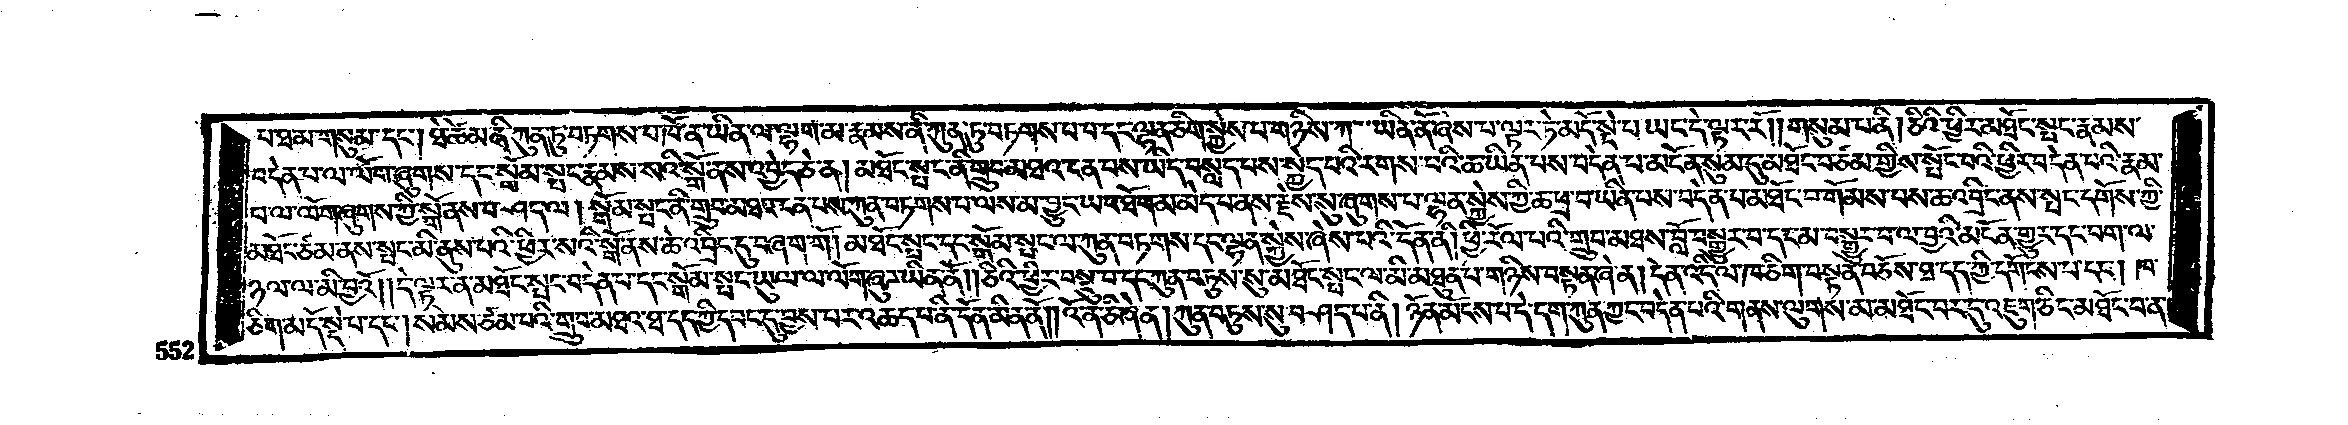པ་ཐ་མ་གསུམ་དང་། ཐེ་ཚོམ་ནི་ཀུན་ཏུ་བཏགས་པ་ཁོ་ན་ཡིན་ལ་ལྷག་མ་རྣམས་ནི་ཀུན་ཏུ་བཏགས་པ་བ་དང་ལྷན་ཅིག་སྐྱེས་པ་གཉིས་ཀ་ཡིན་ནོ་ཞེས་པ་ལྟར་ཏེ་མདོ་སྡེ་པ་ཡང་དེ་ལྟར་རོ། །གསུམ་པ་ནི། ཅིའི་ཕྱིར་མཐོང་སྤང་རྣམས་
བདེན་པ་ལ་ལོག་ཞུགས་དང་སྒོམ་སྤང་རྣམས་སའི་སྒོ་ནས་འབྱེད་ཅེ་ན། མཐོང་སྤང་ནི་གྲུབ་མཐའ་ངན་པས་ཡིད་བསླད་པས་སྐྱེད་པའི་རགས་པའི་ཆ་ཡིན་པས་བདེན་པ་མངོན་སུམ་དུ་མཐོང་བ་ཙམ་གྱིས་སྤོང་བའི་ཕྱིར་བདེན་པའི་རྣམ་
པ་ལ་ལོག་ཞུགས་ཀྱི་སྒོ་ནས་བཤད་ལ། སྒོམ་སྤང་ནི་གྲུབ་མཐའ་ངན་པས་ཀུན་བཏགས་པ་ལས་མ་བྱུང་ཡང་ཐོག་མ་མེད་པ་ནས་རྗེས་སུ་ཞུགས་པ་ལྷན་སྐྱེས་ཀྱི་ཆ་ཕྲ་བ་ཡིན་པས་བདེན་པ་མཐོང་བ་གོམས་པས་ཆ་འབྲིང་ནས་སྤང་དགོས་ཀྱི་
མཐོང་ཙམ་ནས་སྤང་མི་ནུས་པའི་ཕྱིར་སའི་སྒོ་ནས་ཆེ་འབྲིང་དུ་བཞག་གོ །མཐོང་སྤང་དང་སྒོམ་སྤང་ལ་ཀུན་བཏགས་དང་ལྷན་སྐྱེས་ཞེས་པའི་དོན་ནི། ཕྱི་རོལ་པའི་གྲུབ་མཐས་བློ་བསྒྱུར་བ་དང་མ་བསྒྱུར་བ་ལ་བྱའི་མངོན་གྱུར་དང་བག་ལ་
ཉལ་ལ་མི་བྱའོ། །དེ་ལྟར་ན་མཐོང་སྤང་བདེན་པ་དང་སྒོམ་སྤང་ཡུལ་ལ་ལོག་ཞུགས་ཡིན་ནོ། །ཅིའི་ཕྱིར་བསྡུ་བ་དང་ཀུན་བཏུས་སུ་མཐོང་སྤང་ལ་མི་མཐུན་པ་གཉིས་བསྟན་ཞེ་ན། དོན་འདི་ལ་ཁ་ཅིག་བསྟན་བཅོས་ཐ་དད་ཀྱི་དགོངས་པ་དང་། ཁ་
ཅིག་མདོ་སྡེ་པ་དང་། སེམས་ཙམ་པའི་གྲུབ་མཐའ་ཐ་དད་ཀྱི་དབང་དུ་བྱས་པར་འཆད་པ་ནི་དོན་མིན་ནོ། །འོ་ན་ཅི་ཞེ་ན། ཀུན་བཏུས་སུ་བཤད་པ་ནི། ཉོན་མོངས་པ་དེ་དག་ཀུན་ཀྱང་བདེན་པའི་གནས་ལུགས་མ་མཐོང་བར་དུ་འཇུག་ཅིང་མཐོང་བ་ན་